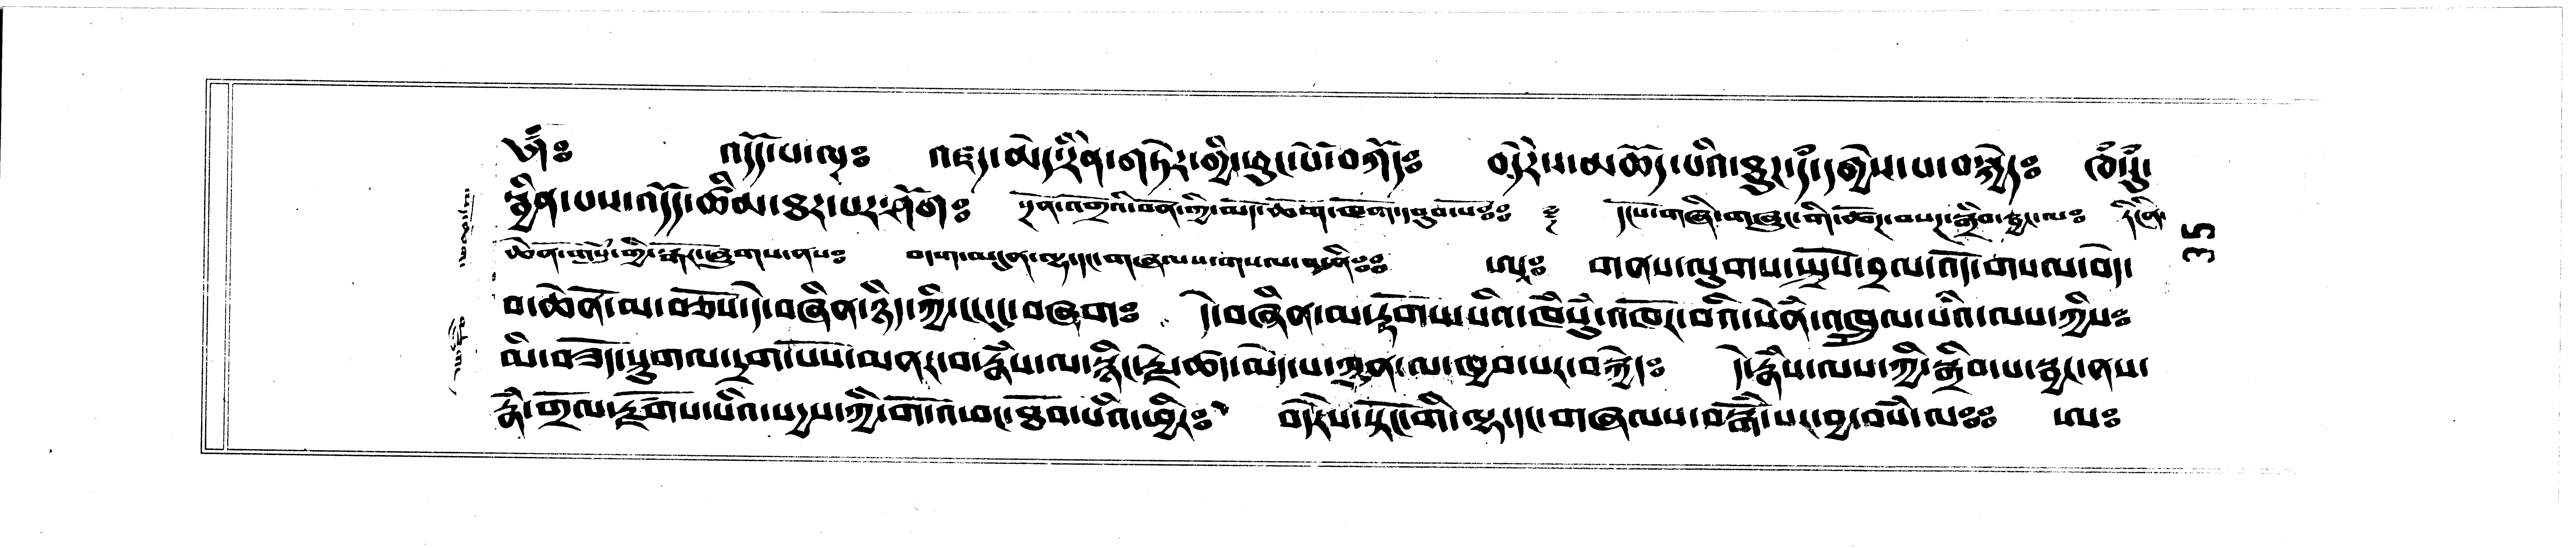འདོད་པ་ལཿ འཛད་མེད་རིན་ཆེན་གཏེར་གྱི་ཕུང་པོ་བཀོདཿ བདེར་གཤེགས་མཆོད་པའི་ཐུགས་དམ་དགྱེས་པ་བསྐྱེདཿ ཁམས་གསུམ་
སྦྱིན་པས་འདོད་ཚིམ་ཐར་པར་ཤོགཿ སྔོན་འགྲོའི་བོན་གྱི་མདོ་ཆོག་ཁོག་དབུབ་བོཿ དངོས་གཞི་གཞུང་གི་ཚོགས་བསགས་སྒྲིབ་སྦྱང་ལཿ ཏིང་འཛིན་
ཆེན་པོ་གསུམ་གྱི་སྒོར་ཞུགས་ནསཿ བདག་མདུན་ལྷ་དང་གཞལ་ཡས་གསལ་བ་ནིཿ ཨཿ གནས་ལུགས་སྤྲོས་བྲལ་མ་བཅོས་བདེ་
བ་ཆེན་པོ་འོད་གསལ་དེ་བཞིན་ཉིད་ཀྱི་ངང་དུ་བཞགཿ དེ་བཞིན་མ་རྟོགས་པའི་ཁམས་གསུམ་འཁོར་བའི་སེམས་ཅན་འཁྲུལ་པའི་ལས་ཀྱིསཿ 
མི་བཟོད་སྡུག་བསྔལ་དྲག་པོས་མནར་བ་རྣམས་ལ་སྙིང་རྗེ་ཚད་མེད་པ་ཀུན་ལ་ཁྱབ་པར་བསྐྱེདཿ དེ་རྣམས་ལས་ཀྱི་སྒྲིབ་པ་སྦྱངས་ནས་
རྣམ་གྲོལ་རྫོགས་པའི་སངས་རྒྱས་ཀྱི་གོ་འཕང་ཐོབ་པའི་ཕྱིརཿ བདེར་གཤེགས་སྟོང་གི་ལྷ་དང་གཞལ་ཡས་ཀྱི་དཀྱིལ་འཁོར་བསྒོམ་པར་བྱ་བསམ་ལཿ ཨཿ